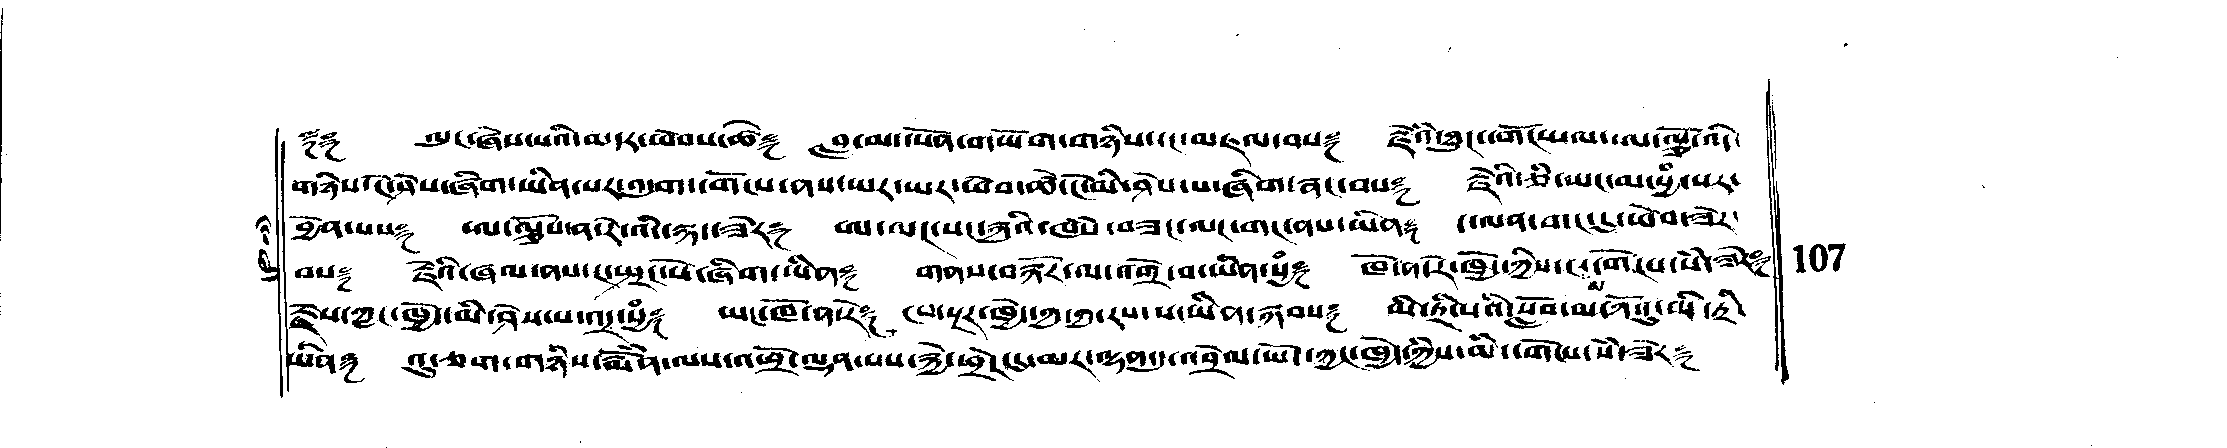ལུང་ཞེས་པའི་མདར་ཕེབས་ཚེ། བླ་མ་དཔོན་གཡོག་གཉིས་དང་མཇལ་བས། རྗེའི་ཐུགས་དགོངས་ལ་ཨ་ལྕོ་འདི་
གཉིས་ངོ་ཤོས་ཞིག་ཡིན་པར་འདུག་དགོངས་ནས་ཡར་ཡར་ཕེབས་ཚེ་ངོ་མི་ཤེས་པ་ཞིག་སྣང་བས།རྗེའི་ཅི་ཡང་མ་གསུང་པར་
བྱོན་པས། ཨ་ལྕོ་ན་རེ་འདི་སྐད་ཟེར། ཨ་ལགས་སང་སྐུའི་ཁམས་བཟང་ལགས། གང་ནས་ཡིན། ད་ལན་གང་དུ་ཕེབས་ཟེར་
བས། རྗེའི་ཞལ་ནས་ང་སྤྲང་པོ་ཞིག་ཡིན། གནས་བསྐོར་ལ་འགྲོ་བ་ཡིན་གསུངས། ཁོ་ན་རེ་ཁྱེད་ཀྱིས་ང་མ་དགོངས་སམ་ཟེར། 
རྗེས་ཀྱང་ཁྱོད་མི་ཤེས་པ་འདྲ་གསུངས། ཡང་ཁོ་ན་རེ། ངས་སྔར་ཁྱེད་ཀུ་ཀུ་རས་པ་ཡིན་སྐབས། མི་ཏྲི་པའི་སློབ་མ་ཀོའུ་མི་ཏྲི་
ཡིན། འུ་ཅག་གཉིས་སྨོན་ལམ་ལས་འཕྲོ་ལྡན་པས་སྐྱེ་ཕྲེང་དུ་མར་ལྷན་དུ་འབྲེལ་ཡོད་ཀྱང་ཁྱེད་ཀྱིས་མི་དགོངས་སམ་ཟེར།